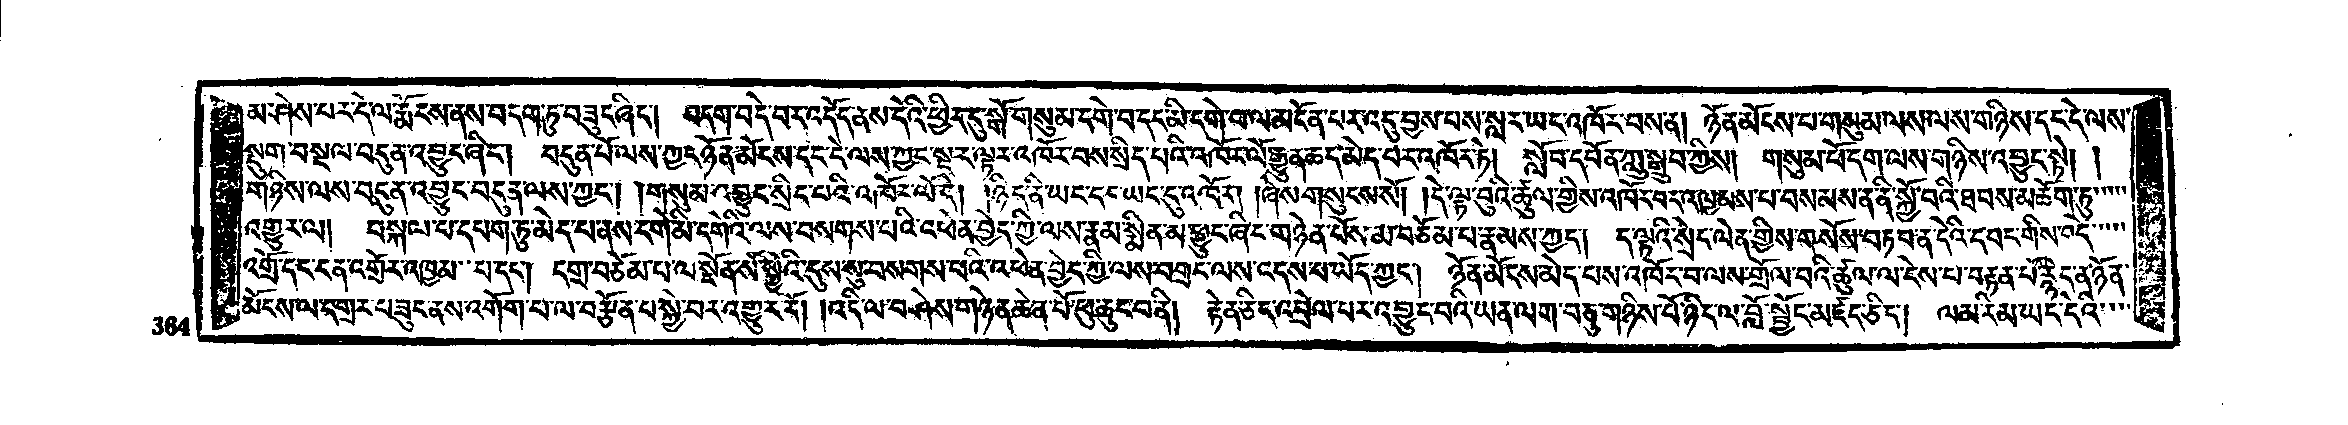མ་ཤེས་པར་དེ་ལ་རྨོངས་ནས་བདག་ཏུ་བཟུང་ཞིང་། བདག་བདེ་བར་འདོད་ནས་དེའི་ཕྱིར་དུ་སྒོ་གསུམ་དགེ་བ་དང་མི་དགེ་བ་ལ་མངོན་པར་འདུ་བྱས་པས་སླར་ཡང་འཁོར་བས་ན། ཉོན་མོངས་པ་གསུམ་ལས་ལས་གཉིས་དང་དེ་ལས་
སྡུག་བསྔལ་བདུན་འབྱུང་ཞིང་། བདུན་པོ་ལས་ཀྱང་ཉོན་མོངས་དང་དེ་ལས་ཀྱང་སྔར་ལྟར་འཁོར་བས་སྲིད་པའི་འཁོར་ལོ་རྒྱུན་ཆད་མེད་པར་འཁོར་ཏེ། སློབ་དཔོན་ཀླུ་སྒྲུབ་ཀྱིས། གསུམ་པོ་དག་ལས་གཉིས་འབྱུང་སྟེ། །
གཉིས་ལས་བདུན་འབྱུང་བདུན་ལས་ཀྱང་། །གསུམ་འབྱུང་སྲིད་པའི་འཁོར་ལོ་དེ། །ཉིད་ནི་ཡང་དང་ཡང་དུ་འཁོར། །ཞེས་གསུངས་སོ། །དེ་ལྟ་བུའི་ཚུལ་གྱིས་འཁོར་བར་འཁྱམས་པ་བསམས་ན་ནི་སྐྱོ་བའི་ཐབས་མཆོག་ཏུ་
འགྱུར་ལ། བསྐལ་པ་དཔག་ཏུ་མེད་པ་ནས་དགེ་མི་དགེའི་ལས་བསགས་པའི་འཕེན་བྱེད་ཀྱི་ལས་རྣམ་སྨིན་མ་ཕྱུང་ཞིང་གཉེན་པོས་མ་བཅོམ་པ་རྣམས་ཀྱང་། ད་ལྟའི་སྲེད་ལེན་གྱིས་གསོས་བཏབ་ན་དེའི་དབང་གིས་བདེ་
འགྲོ་དང་ངན་འགྲོར་འཁྱམ་པ་དང་། དགྲ་བཅོམ་པ་ལ་སྔོན་སོ་སྐྱེའི་དུས་སུ་བསགས་པའི་འཕེན་བྱེད་ཀྱི་ལས་བགྲང་ལས་འདས་པ་ཡོད་ཀྱང་། ཉོན་མོངས་མེད་པས་འཁོར་བ་ལས་གྲོལ་བའི་ཚུལ་ལ་ངེས་པ་བརྟན་པོ་རྙེད་ན་ཉོན་
མོངས་ལ་དགྲར་བཟུང་ནས་འགོག་པ་ལ་བརྩོན་པ་སྐྱེ་བར་འགྱུར་རོ། །འདི་ལ་བཤེས་གཉེན་ཆེན་པོ་ཕུ་ཆུང་བ་ནི། རྟེན་ཅིང་འབྲེལ་པར་འབྱུང་བའི་ཡན་ལག་བཅུ་གཉིས་པོ་ཉིད་ལ་བློ་སྦྱོང་མཛད་ཅིང་། ལམ་རིམ་ཡང་དེའི་